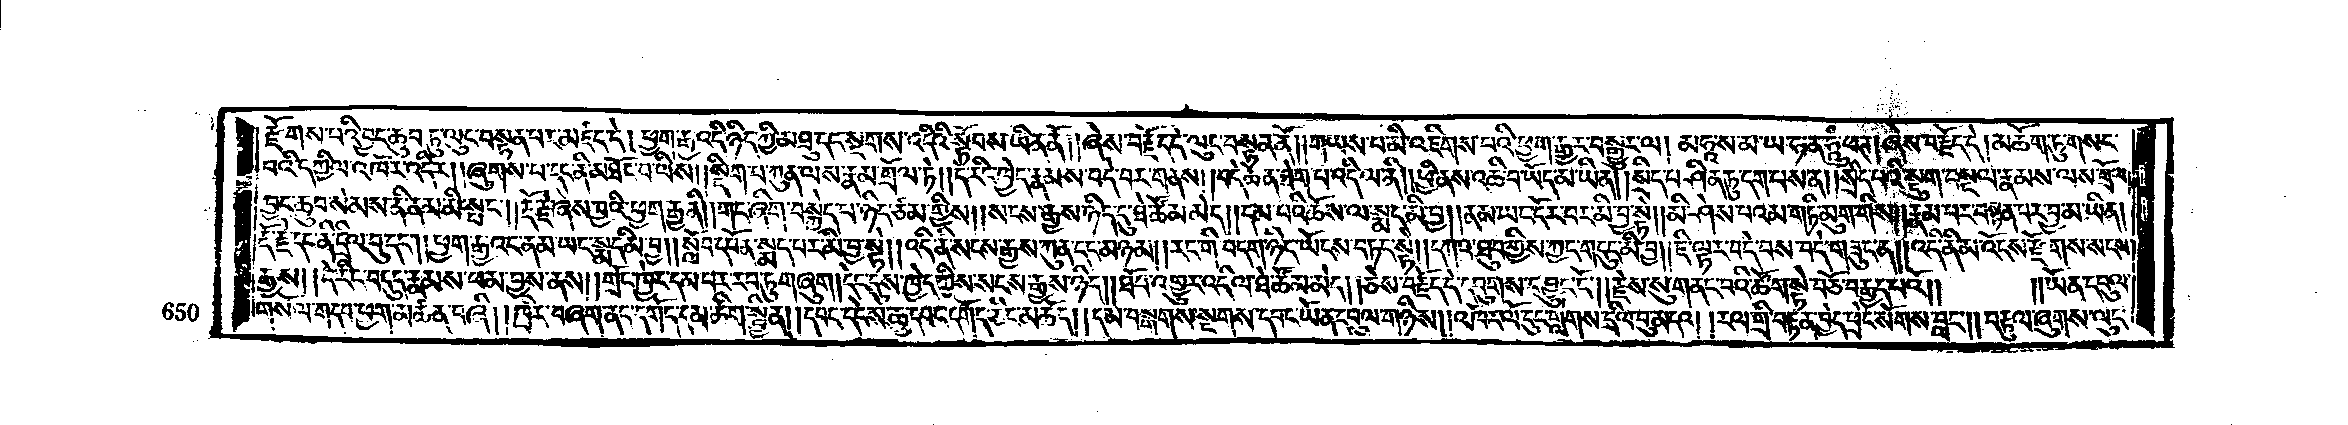རྫོགས་པའི་བྱང་ཆུབ་ཏུ་ལུང་བསྟན་པར་མཛད་དེ། ཕྱག་རྒྱ་འདི་ཉིད་ཀྱི་མཐུ་དང་སྔགས་འདིའི་སྟོབས་ཡིན་ནོ། །ཞེས་བརྗོད་དེ་ལུང་བསྟན་ནོ། །གཡས་པ་མི་འཇིགས་པའི་ཕྱག་རྒྱར་བསྒྱུར་ལ། མཧཱ་ས་མ་ཡ་ཧ་ན་ཧཱུཾ་ཕཊ། ཞེས་བརྗོད་དེ། མཆོག་ཏུ་གསང་
བའི་དཀྱིལ་འཁོར་འདིར། །ཞུགས་པ་དང་ནི་མཐོང་བ་ཡིས། །སྡིག་པ་ཀུན་ལས་རྣམ་གྲོལ་ཏེ། །དེ་རིང་ཁྱེད་རྣམས་བདེ་བར་གནས། །བདེ་ཆེན་ཐེག་པ་འདི་ལ་ནི། །ཕྱེ་ནས་འཆི་བ་ཡོད་མ་ཡིན། །སྲིད་པ་ཤིན་ཏུ་དག་པས་ན། །སྲིད་པའི་སྡུག་བསྔལ་རྣམས་ལས་གྲོལ།
བྱང་ཆུབ་སེམས་ནི་ནམ་མི་སྤང་། །རྡོ་རྗེ་ཞེས་བྱའི་ཕྱག་རྒྱ་ནི། །གང་ཞིག་བསྐྱེད་པ་ཉིད་ཙམ་གྱིས། །སངས་རྒྱས་ཉིད་དུ་ཐེ་ཚོམ་མེད། །དམ་པའི་ཆོས་ལ་སྨད་མི་བྱ། །ནམ་ཡང་དོར་བར་མི་བྱ་སྟེ། །མི་ཤེས་པའམ་གཏི་མུག་གིས། །རྣམ་པར་བསྟན་པར་བྱ་མ་ཡིན།
རྡོ་རྗེ་དང་ནི་དྲིལ་བུ་དང་། །ཕྱག་རྒྱ་འང་ནམ་ཡང་སྨད་མི་བྱ། །སློབ་དཔོན་སྨད་པར་མི་བྱ་སྟེ། །འདི་ནི་སངས་རྒྱས་ཀུན་དང་མཉམ། །རང་གི་བདག་ཉིད་ཡོངས་བཏང་སྟེ། །དཀའ་ཐུབ་ཀྱིས་ཀྱང་གདུང་མི་བྱ། །ཇི་ལྟར་བདེ་བས་བདེ་གཟུང་ན། །འདི་ནི་མ་འོངས་རྫོགས་སངས་
རྒྱས། །དེ་རིང་བདུད་རྣམས་ཕམ་བྱས་ནས། །གྲོང་ཁྱེར་དམ་པར་རབ་ཏུ་གཞུག །དེང་དུས་ཁྱེད་ཀྱིས་སངས་རྒྱས་ཉིད། །ཐོབ་འགྱུར་འདི་ལ་ཐེ་ཚོམ་མེད། །ཅེས་བརྗོད་དེ་དབུགས་དབྱུང་ངོ། །རྗེས་སུ་གནང་བའི་ཆོ་ག་སྟེ་བཅོ་བརྒྱད་པའོ།། །།ཡོན་དབུལ་
གསོལ་གདབ་ཕྱག་མཚན་བཞི། །ཁྲིར་བཞག་ནང་དགོད་དམ་ཚིག་སྦྱིན། །དབང་དངོས་ཆུ་དབང་དགོད་ཅིང་མཆོད། །དམ་བསྒྲགས་ལྶྔགས་དབང་ཡོན་དབུལ་གཉིས། །འཁོར་ལོ་དུང་གླེགས་དྲིལ་བུ་མདའ། །རལ་གྲི་བརྟན་བྱེད་ཕྲེང་སོགས་བླང་། །བརྟུལ་ཞུགས་ལུང་